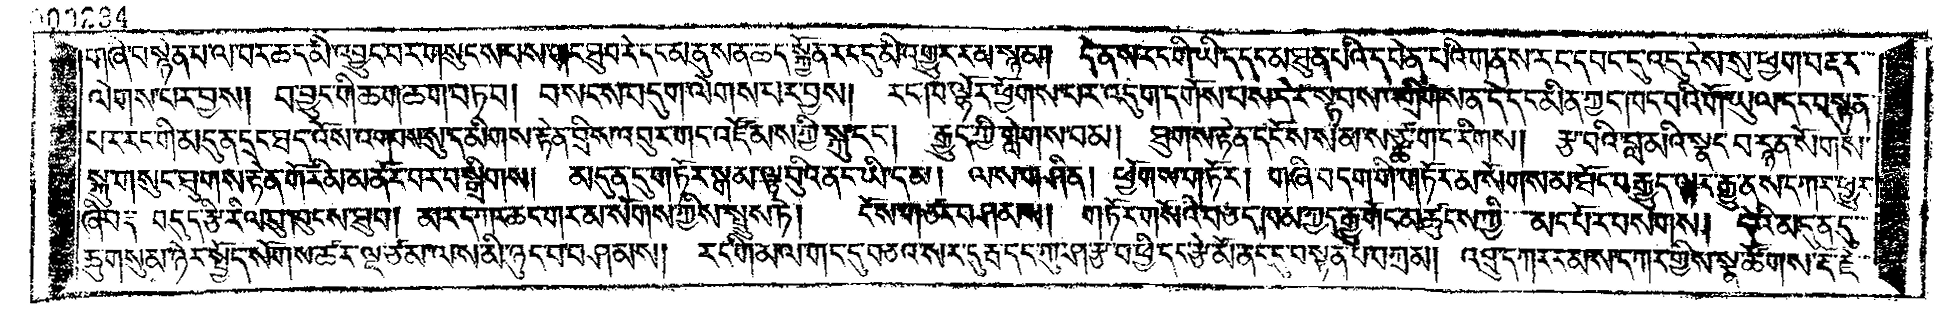གཞི་བསྙེན་པ་ལ་བར་ཆད་མི་འབྱུང་བར་གསུངས་པས་གང་ཐུབ་རེ་དང་མ་ནུས་ན་ཆད་སྐྱོན་རང་དུ་མི་འགྱུར་རམ་སྙམ། དེ་ནས་རང་གི་ཡིད་དང་མཐུན་པའི་དབེན་པའི་གནས་རང་དབང་དུ་འདུ་ངེས་སུ་ཕྱག་བརྡར་
ལེགས་པར་བྱས། བ་བྱུང་གི་ཆག་ཆག་བཏབ། བསངས་བདུག་ལེགས་པར་བྱས། རང་ཁ་ལྷོར་ཕྱོགས་པར་འདུག་དགོས་པས་དེར་སྟབས་འགྲིགས་ན་དེ་དང་མིན་ཀྱང་ཁང་བའི་གོ་ཡུལ་དང་བསྟུན་
པར་རང་གི་མདུན་དྲང་ཐད་འོས་འགབས་སུ་དམིགས་རྟེན་བྲིས་འབུར་གང་འཛོམས་ཀྱི་སྐུ་དང་། རྒྱུད་ཀྱི་གླེགས་བམ། ཐུགས་རྟེན་དངོས་སམ་ས་ཙྪ་གང་རིགས། རྩ་བའི་བླ་མའི་སྣང་བརྙན་སོགས་
སྐུ་གསུང་ཐུགས་རྟེན་གོ་རིམ་མ་ནོར་བར་བསྒྲིགས། མདུན་དུ་གཏོར་སྒམ་ལྟ་བུའི་ནང་ཡི་དམ། ལས་གཤིན། ཕྱོགས་གཏོར། གཞི་བདག་གི་གཏོར་མ་སོགས་མཐོང་བརྒྱུད་ལྟར་རྒྱུ་ནས་དཀར་ཕྱུར་
ཞིབ། བདུད་རྩི་རིལ་བུ་ཁུངས་ཐུབ། མར་དཀར་ཆང་གར་མ་སོགས་ཀྱིས་སྤྲུས་ཏེ། ངོས་གཙང་བཤམས། གཏོར་གསོའི་བཅད་ཁམ་ཀྱང་རྒྱུ་གོང་མཚུངས་ཀྱི་མང་པོར་བསགས། དེའི་མདུན་དུ་
ཆུ་གསུམ་ཉེར་སྤྱོད་སོགས་ཚར་ལྔ་ཙམ་ལས་མི་ཉུང་བ་བཤམས། རང་གི་མ་ལ་གང་དུ་བཅའ་སར་དུ་རྦ་དང་ཀུ་ཤ་རྩ་བ་ཕྱི་དང་རྩེ་མོ་ནང་དུ་བསྟན་པ་བཀྲམ། འབྲུ་དཀར་རམ་ས་དཀར་གྱིས་སྣ་ཚོགས་རྡོ་རྗེ་